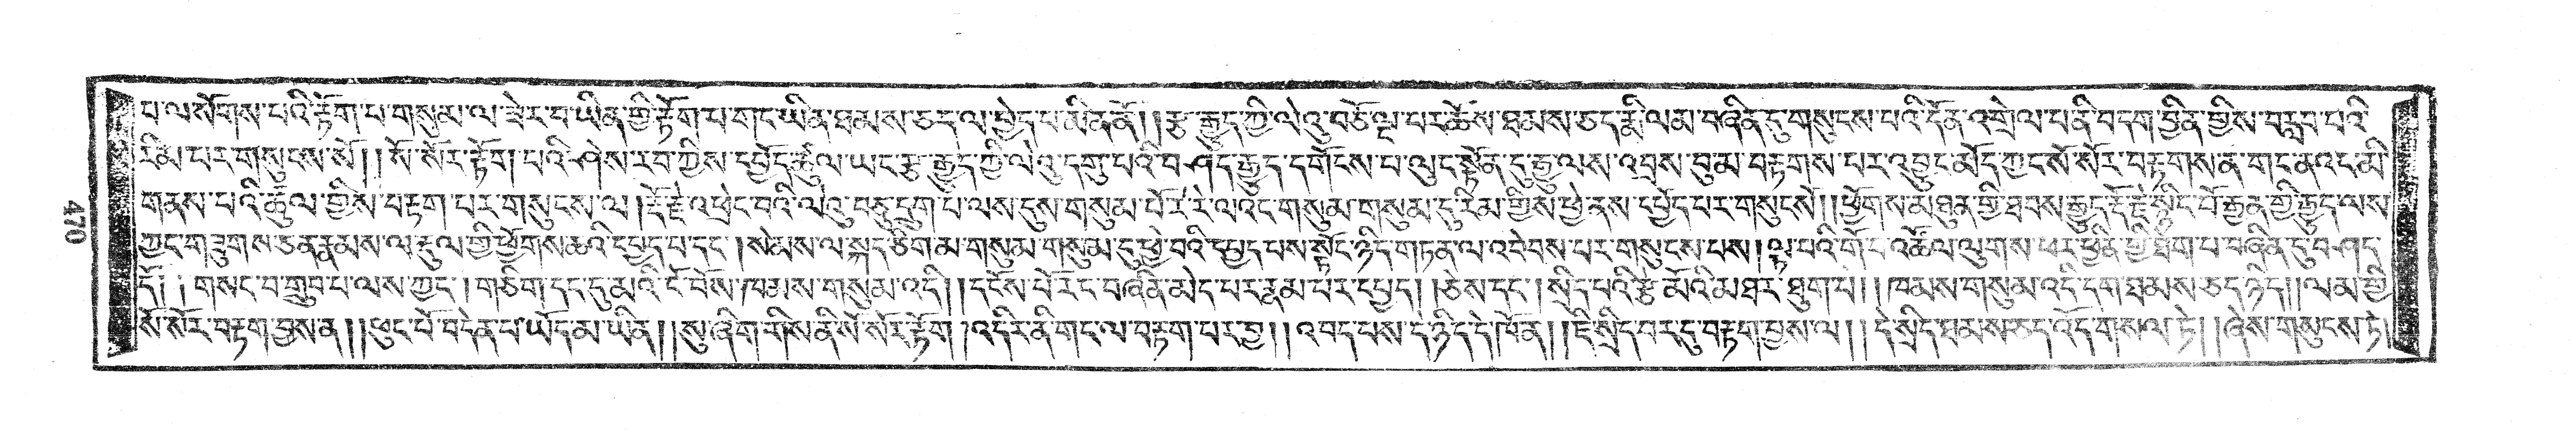པ་ལ་སོགས་པའི་རྟོག་པ་གསུམ་ལ་ཟེར་བ་ཡིན་གྱི་རྟོག་པ་གང་ཡིན་ཐམས་ཅད་ལ་བྱེད་པ་མིན་ནོ། །རྩ་རྒྱུད་ཀྱི་ལེའུ་བཅོ་ལྔ་པར་ཆོས་ཐམས་ཅད་རྨི་ལམ་བཞིན་དུ་གསུངས་པའི་དོན་འགྲེལ་པ་ནི་བདག་བྱིན་གྱིས་བརླབ་པའི་
རིམ་པར་གསུངས་སོ། །སོ་སོར་རྟོག་པའི་ཤེས་རབ་ཀྱིས་དཔྱོད་ཚུལ་ཡང་རྩ་རྒྱུད་ཀྱི་ལེའུ་དགུ་པའི་བཤད་རྒྱུད་དགོངས་པ་ལུང་སྟོན་དུ་རྒྱུ་ལས་འབྲས་བུ་མ་བརྟགས་པར་འབྱུང་མོད་ཀྱང་སོ་སོར་བརྟགས་ན་གང་ནའང་མི་
གནས་པའི་ཚུལ་གྱིས་བརྟག་པར་གསུངས་ལ། རྡོ་རྗེ་འཕྲེང་བའི་ལེའུ་བཅུ་དྲུག་པ་ལས་དུས་གསུམ་པོ་རེ་རེ་ལའང་གསུམ་གསུམ་དུ་རིམ་གྱིས་ཕྱེ་ནས་དཔྱོད་པར་གསུངས་སོ། །ཕྱོགས་མཐུན་གྱི་ཐབས་རྒྱུད་རྡོ་རྗེ་སྙིང་པོ་རྒྱན་གྱི་རྒྱུད་ལས་
ཀྱང་གཟུགས་ཅན་རྣམས་ལ་རྡུལ་གྱི་ཕྱོགས་ཆའི་དཔྱད་པ་དང་། སེམས་ལ་སྐད་ཅིག་མ་གསུམ་གསུམ་དུ་ཕྱེ་བའི་དཔྱད་པས་སྟོང་ཉིད་གཏན་ལ་འབེབས་པར་གསུངས་པས། ལྟ་བའི་གོ་བ་འཚོལ་ལུགས་ཕར་ཕྱིན་གྱི་ཐེག་པ་བཞིན་དུ་བཤད་
དོ༑ ༑གསང་བ་གྲུབ་པ་ལས་ཀྱང་། གཅིག་དང་དུ་མའི་ངོ་བོས་ཁམས་གསུམ་འདི། །དངོས་པོ་རང་བཞིན་མེད་པར་རྣམ་པར་དཔྱད། །ཅེས་དང་། སྲིད་པའི་རྩེ་མོའི་མཐར་ཐུག་པ། །ཁམས་གསུམ་འདི་དག་ཐམས་ཅད་ཉིད། །ལམ་གྱི་
སོ་སོར་བརྟག་བྱས་ན། །ཕུང་པོ་བདེན་པ་ཡོད་མ་ཡིན། །སུ་ཞིག་གིས་ནི་སོ་སོར་རྟོག །འདིར་ནི་གང་ལ་བརྟག་པར་བྱ། །འབད་པས་དེ་ཉིད་དེ་ཁོ་ན། །ཇི་སྲིད་བར་དུ་བརྟག་བྱས་ལ། །དེ་སྲིད་ཐམས་ཅད་འོད་གསལ་ཏེ། །ཞེས་གསུངས་ཏེ་